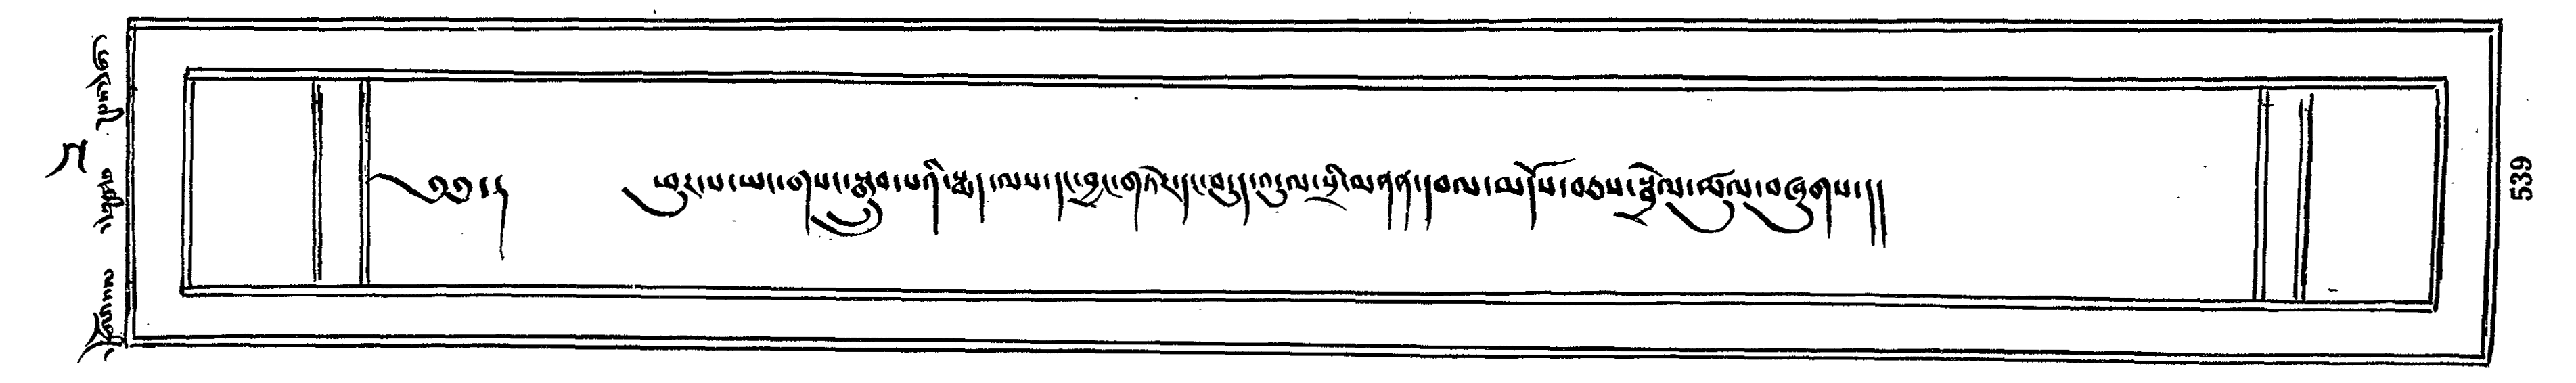ཕུར་པ་ཡང་གསང་སྒྲུབ་པའི་སྨད་ལས་དང་བྱང་གཏེར་དང་བདུད་འདུལ་སྲི་མནན་དབལ་མདོས་བཅས་སྦྲེལ་ཚུལ་བཞུགས།།